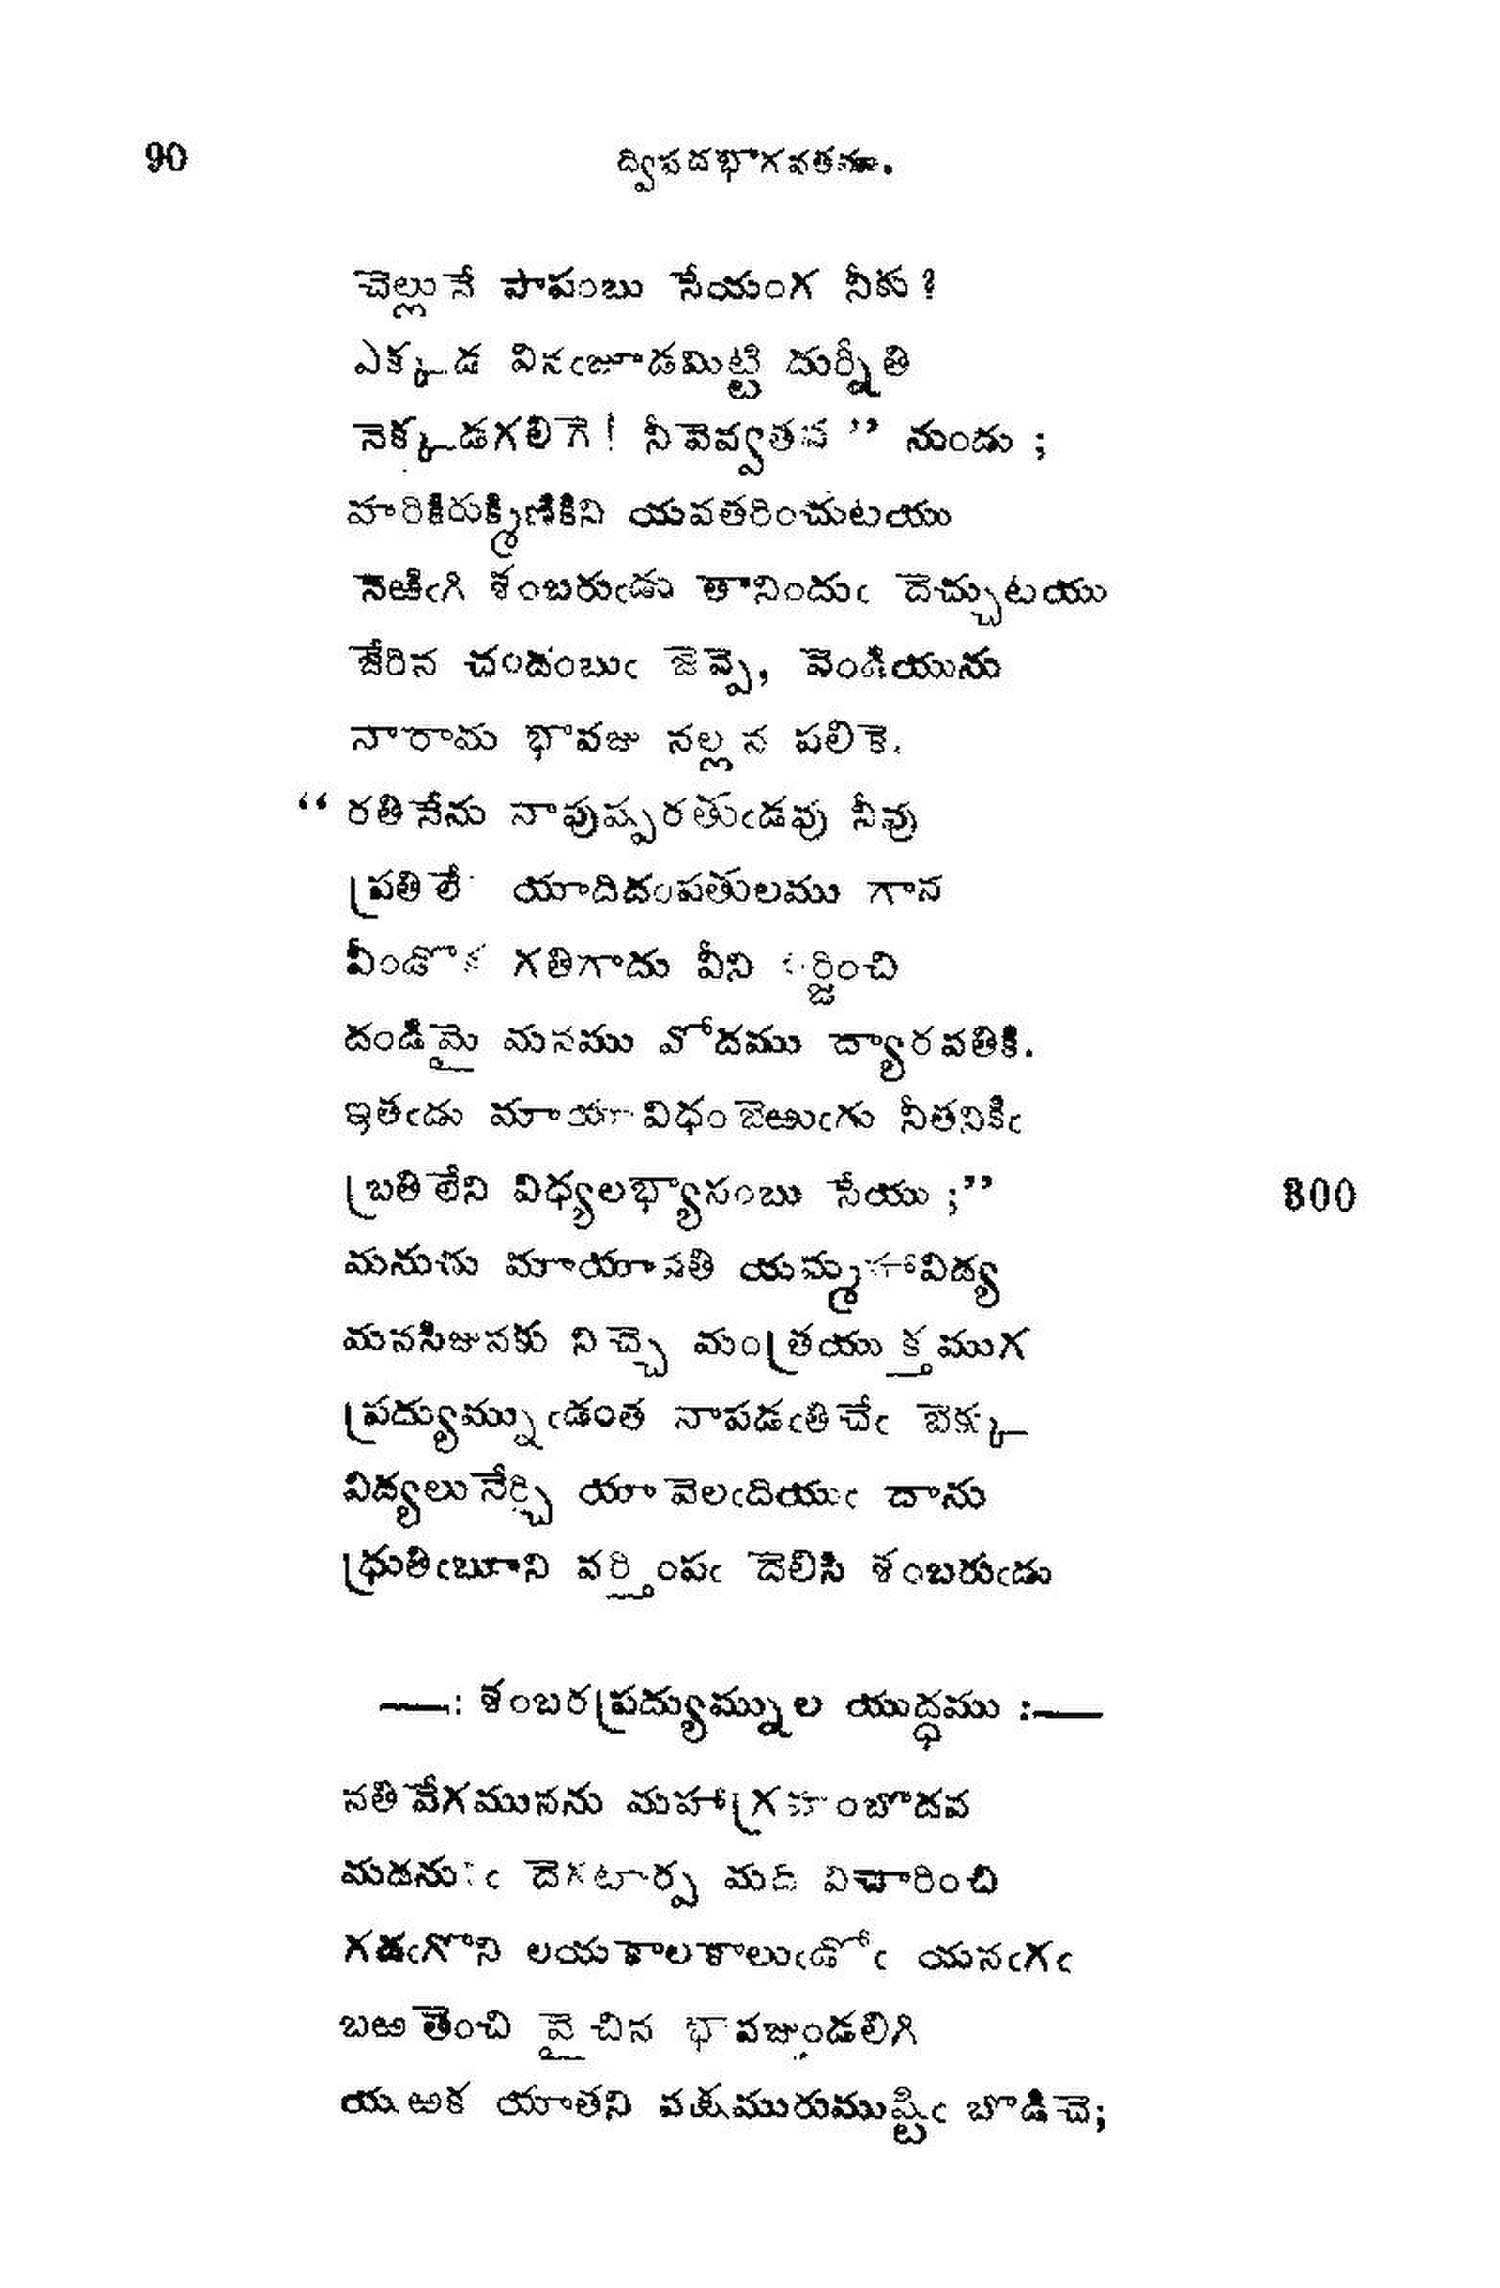చెల్లునే పాపంబు సేయంగ నీకు?
ఎక్కడ వినఁజూడ మిట్టి దుర్నీతి
నెక్కడగలిగె! నీ వెవ్వతవ”నుండు;
హరికి రుక్మిణికిని యవతరించుటయు
నెఱిఁగి శంబరుఁడు తానిందుఁ దెచ్చుటయు
జేరిన చందంబుఁ జెప్పె, వెండియును
నారామ భావజు నల్లన పలికె.
“రతి నేను నా పుష్పరతుఁడవు నీవు
ప్రతిలేని యాదిదంపతులము గాన
వీండొక గతిగాదు వీని నిర్జించి
దండిమై మనము వోదము ద్వారవతికి.
ఇతఁడు మాయావిధం బెఱుఁగు నీతనికి
బ్రతిలేని విద్య లభ్యాసంబు సేయు;”
మనుచు మాయావతి యమ్మహావిద్య
మనసిజునకు నిచ్చె మంత్రయుక్తముగ
ప్రద్యుమ్నుఁ డంత నాపడఁతిచేఁ బెక్కు
విద్యలు నేర్చి యా వెలఁదియుఁ దాను
ధ్రుతిఁబూని వర్తింపఁ దెలిసి శంబరుఁడు

నతి వేగమునను మహాగ్రహం బొదవ
మదనునిఁ దెగటార్ప మది విచారించి
గదఁగొని లయకాలకాలుఁడో యనఁగఁ
బఱతెంచి వైచిన భావజుం డలిగి
యుఱక యాతనివక్ష మురుముష్టిఁ బొడిచె;